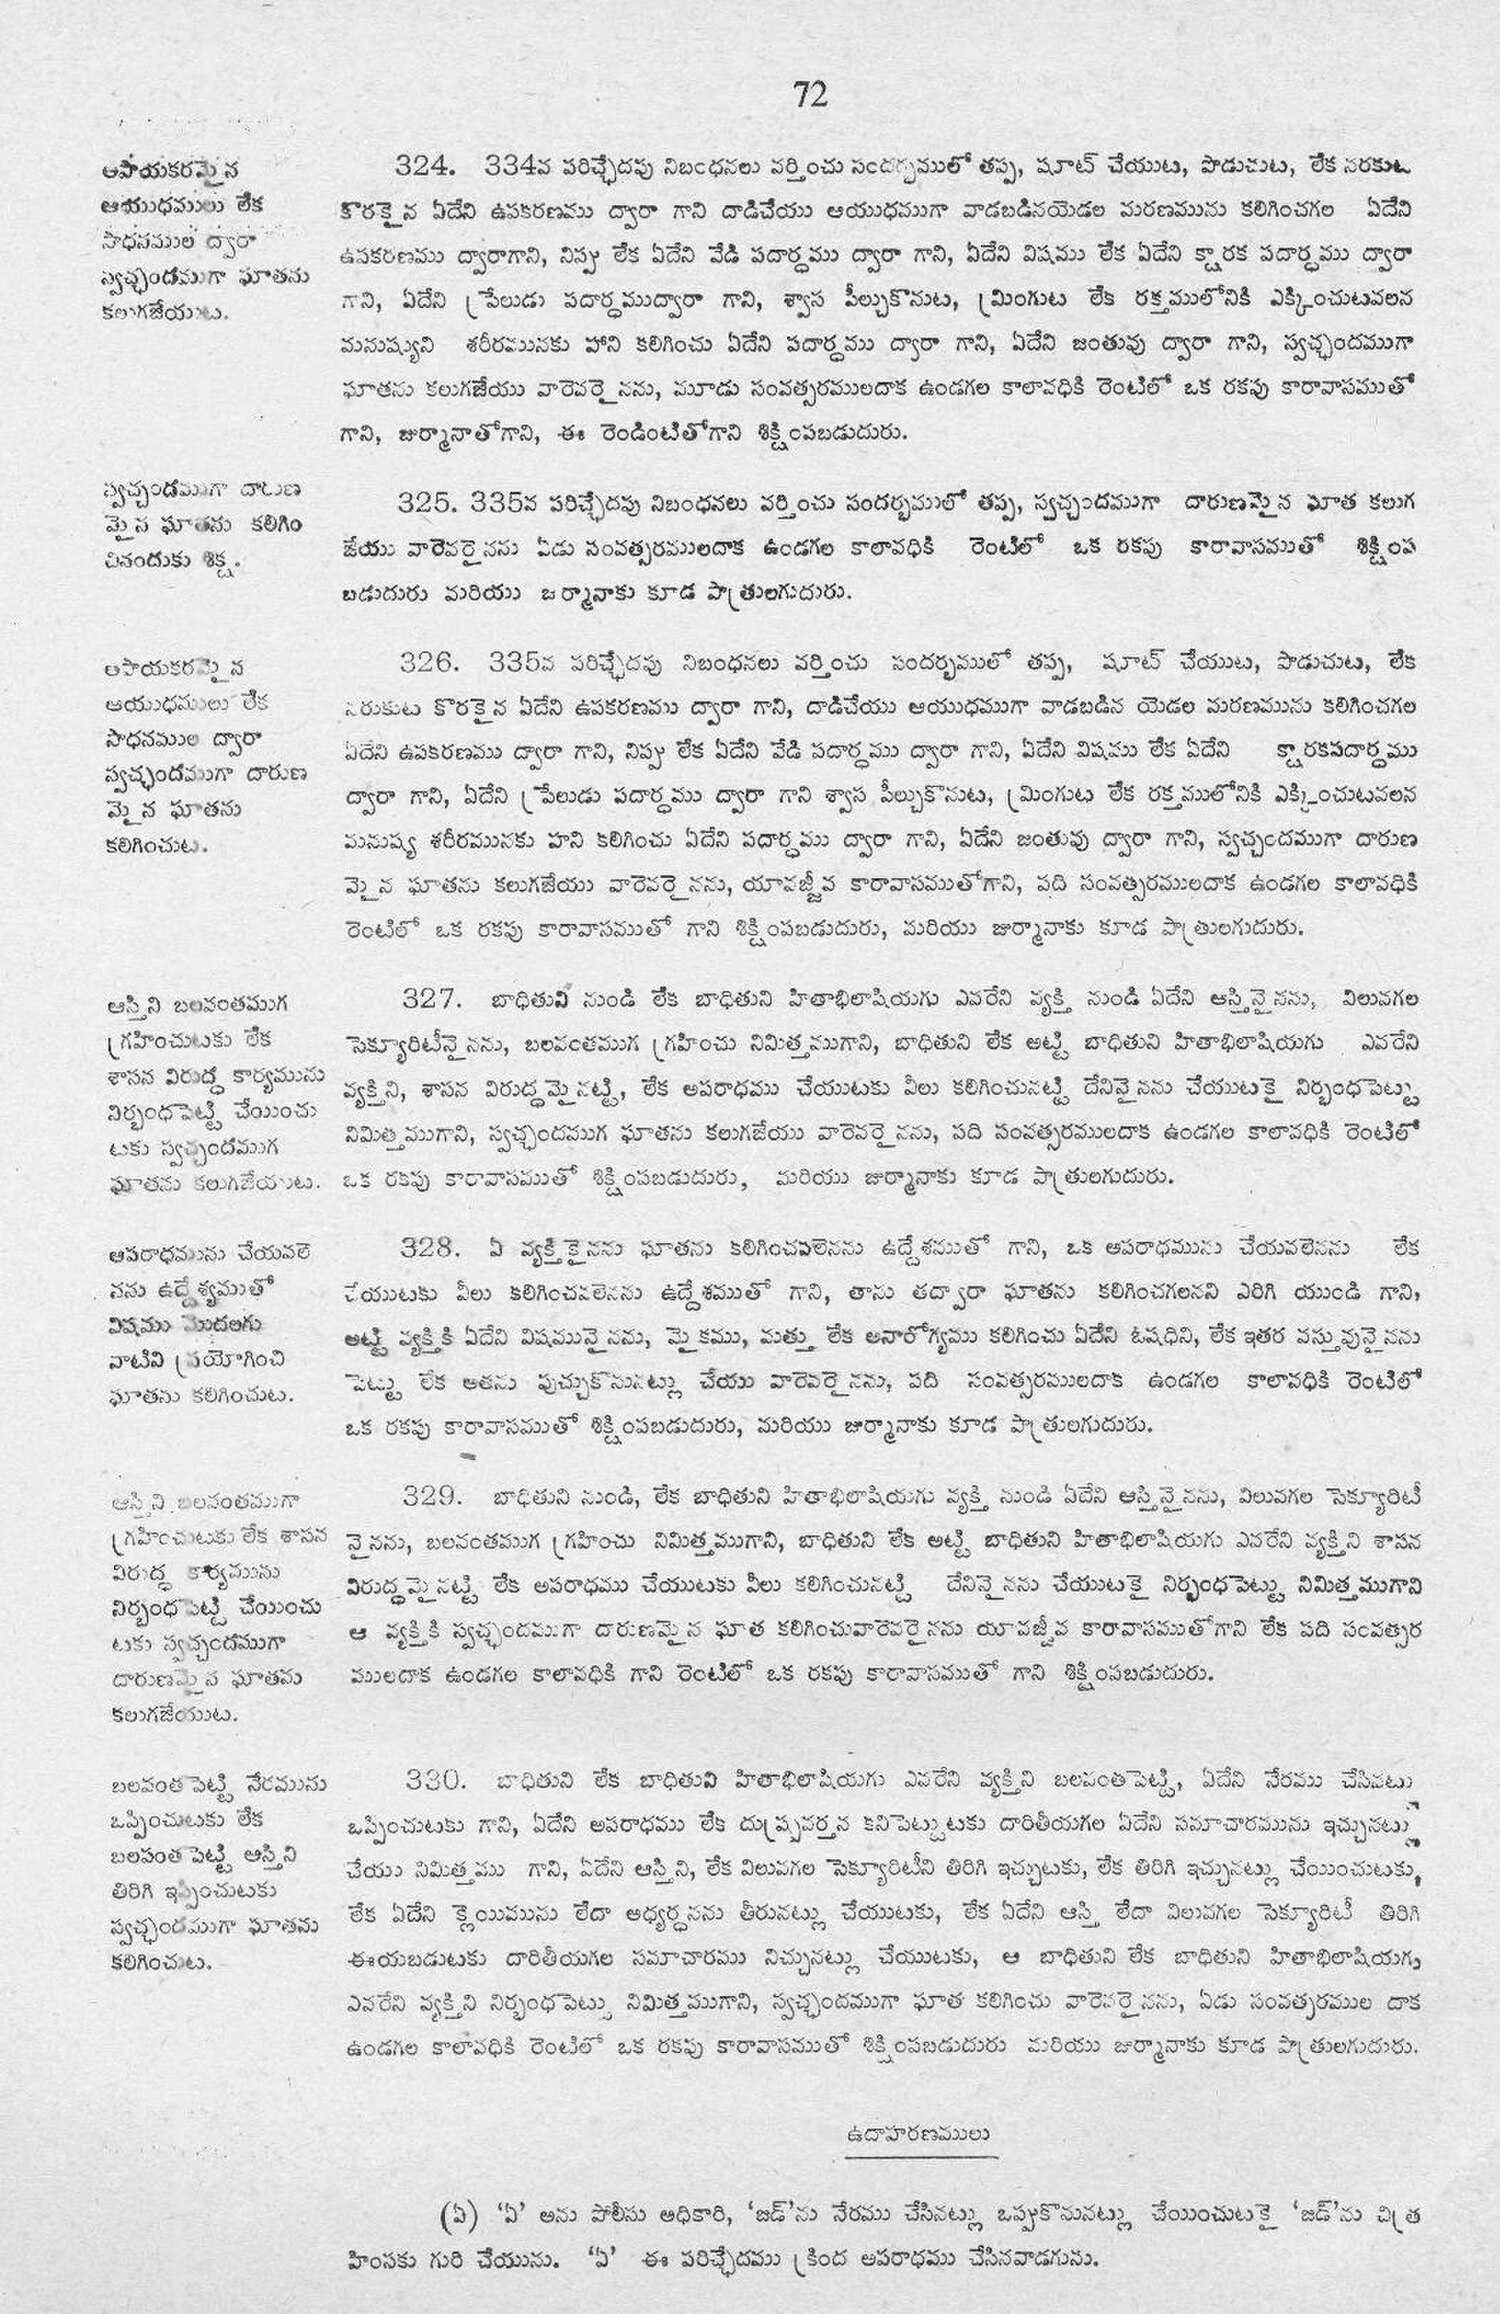అపాయకరమైన ఆయుధములు లేక ఏదేని సాధనముల ద్వారా స్వచ్ఛందము గా ఘాతను కలుగజేయట.

324. 334వ పరిచ్ఛేదపు నిబంధనలు వర్తించు సందర్భములో తప్ప, షూట్ చేయుట, పొడుచుట, లేక సరకుల కొరకైన ఏదేని ఉపకరణము ద్వారా గాని దాడిచేయు ఆయుధముగా వాడబడినయెడల మరణమును కలిగించగల ఏదేని ఉపకరణము ద్వారాగాని, నిప్పు లేక ఏదేని వేడి పదార్ధము ద్వారా గాని, ఏదేని విషము లేక ఏదేని క్లారక పదార్ధము ద్వారా గాని, ఏదేని ప్రేలుడు పదార్థ ముద్వారా గాని, శ్వాస పీల్చుకొనుట, మింగుట లేక రక్తములోనికి ఎక్కించుటవలన మనుష్యుని శరీరమునకు హాని కలిగించు ఏదేని పదార్ధము ద్వారా గాని, ఏదేని జంతువు ద్వారా గాని, స్వచ్ఛందముగా ఘాతను కలుగజేయు వారెవరైనను, మూడు సంవత్సరములదాక ఉండగల కాలావధికి రెంటిలో ఒక రకపు కారావాసముతో గాని, జుర్మానాతోగాని, ఈ రెండింటిలోగాని శిక్షింపబడుదురు.

స్వచ్చందము గా దారుణమైన ఘాతను కలిగించినందుకు శిక్ష.

325. 335వ పరిచ్ఛేదపు నిబంధనలు వర్తించు సందర్భములో తప్ప, స్వచ్ఛందముగా దారుణమైన ఘాత కలుగజేయు వారెవరైనను ఏడు సంవత్సరములదాక ఉండగల కాలావధికి రెంటిలో ఒక రకపు కారావాసముతో శిక్షింపబడుదురు మరియు జుర్మానాకు కూడ పాత్రులగుదురు.

అపాయకరమైన ఆయుధములు లేక సాధనముల ద్వారా స్వచ్ఛందముగా దారుణమైన ఘాతను కలిగించుట,

326. 335వ పరిచ్ఛేదపు నిబంధనలు వర్తించు సందర్భములో తప్ప, షూట్ చేయుట, పొడుచుట, లేక నరుకుట కొరకైన ఏదేని ఉపకరణము ద్వారా గాని, దాడిచేయు ఆయుధముగా వాడబడిన యెడల మరణమును కలిగించగల ఏదేని ఉపకరణము ద్వారా గాని, నిప్పు లేక ఏదేని వేడి పదార్ధము ద్వారా గాని, ఏదేని విషపు లేక ఏదేని కారక పదార్ధము ద్వారా గాని, ఏదేని ప్రేలుడు పదార్ధము ద్వారా గాని శ్వాస పీల్చుకొనుట, మింగుట లేక రక్తములోనికి ఎక్కించుట వలన మనుష్య శరీరమునకు హాని కలిగించు ఏదేని పదార్ధము ద్వారా గాని, ఏదేని జంతువు ద్వారా గాని, స్వచ్చందముగా దారుణమైన ఘాతను కలుగజేయు వారెవరైనను, యావజ్జీవ కారావాసముతో గాని, పది సంవత్సరములదాక ఉండగల కాలావధికి రెంటిలో ఒక రకపు కారావాసముతో గాని శిక్షింపబడుదురు, మరియు జుర్మానాకు కూడ పాత్రులగుదురు.

ఆస్తిని బలవంతముగ గ్రహించుటకు లేక శాసన విరుద్ధ కార్యమును నిర్భంధ పెట్టి చేయించుటకు స్వచ్ఛందముగ ఘాతను కలుగజేయుట.

327. బాధితుని నుండి లేక బాధితుని హితాభిలాషియగు ఎవరేని వ్యక్తి నుండి ఏదేని ఆస్తి నైనను, విలువగల సెక్యూరిటీనై నను, బలవంతముగ గ్రహించు నిమిత్తముగాని, బాధితుని లేక అట్టి బాధితుని హితాభిలాషియగు ఎవరేని వ్యక్తిని, శాసన విరుద్ధమైనట్టి , లేక అపరాధము చేయుటకు వీలు కలిగించునట్టి దేనినై నను చేయుటకై నిర్భంధ పెట్టు నిమిత్త ముగాని, స్వచ్ఛందముగ ఘాతను కలుగజేయు వారెవరైనను, పది సంవత్సరములదాక ఉండగల కాలావధికి రెంటిలో ఒక రకపు కారావాసముతో శిక్షింపబడుదురు, మరియు జుర్మానాకు కూడ పాత్రులగుదురు.

ఆపరాధమును చేయవలెనను ఉద్దేశ్యముతో విషము మొదలగు వాటిని ప్రయోగించి ఘాతను కలిగించుట.

328, ఏ వ్యక్తి కైనను ఘాతను కలిగించవలెనను ఉద్దేశముతో గాని, ఒక అపరాధమును చేయవలెనను లేక చేయుటకు వీలు కలిగించవలెనను ఉద్దేశముతో గాని, తాను తద్వారా ఘాతను కలిగించగలనని ఎరిగి యుండి గాని, అట్టి వ్యక్తి కి ఏదేని విషమునై నను, మైకము, మత్తు లేక అనారోగ్యము కలిగించు ఏదేని ఓషధిని, లేక ఇతర వస్తువునై నను పెట్ట లేక అతను పుచ్చుకొనునట్లు చేయు వారెవరైనను, పది సంవత్సరములదాక ఉండగల కాలావధికి రెంటిలో ఒక రకపు కారావాసముతో శిక్షింపబడుదురు, మరియు జుర్మానాకు కూడ పాత్రులగుదురు.

ఆస్తిని బలవంతముగా గ్రహించుటకు లేక శాసనవిరుద్ధ కార్యమును నిర్బంధ పెట్టి చేయించుటకు స్వచ్ఛందముగా దారుణమైన ఘాతను
కలిగించుట.

329. బాధితుని నుండి, లేక బాధితుని హితాభిలాషియగు వ్యక్తి నుండి ఏదేని ఆస్తి నైనను, విలువగల సెక్యూరిటీ నైనను, బలవంతముగ గ్రహించు నిమిత్త ముగాని, బాధితుని లేక అట్టి బాధితుని హితాభిలాషియగు ఎవరేని వ్యక్తిని శాసన విరుద్ధ మైనట్టి లేక అపరాధము చేయుటకు వీలు కలిగించునట్టి దేనినై నను చేయుటకై నిర్భంధ పెట్టు నిమిత్త ముగాని వ్యక్తి కి స్వచ్ఛందము గా దారుణమైన ఘాత కలిగించు వారెవరైనను యావజ్జీవ కారా వాసముతో గాని లేక పది సంవత్సరములదాక ఉండగల కాలావధికి గాని రెంటిలో ఒక రకపు కారావాసముతో గాని శిక్షింపబడుదురు.

బలవంత పెట్టి నేరమును ఒప్పించుటకు లేక బలవంత పెట్టి ఆస్తిని తిరిగి ఇప్పించుటకు స్వచ్ఛందముగా ఘాతము కలిగించుట.

330. బాధితుని లేక బాధితుని హితాభిలాషియగు ఎవరేని వ్యక్తిని బలవంత పెట్టి, ఏదేని నేరము చేసినట్లు ఒప్పించుటకు గాని, ఏదేని అపరాధము లేక దుష్ప్రవర్తన కనిపెట్టుటకు దారితీయగల ఏదేని సమాచారమును ఇచ్చునట్లు చేయు నిమిత్తము గాని, ఏదేని ఆస్తి ని, లేక విలువగల 'సెక్యూరిటీని తిరిగి ఇచ్చుటకు, లేక తిరిగి ఇచ్చునట్లు చేయించుటకు, లేక ఏదేని క్లెయిమును లేదా ఆధ్యర్ధనను తీరునట్లు చేయుటకు, లేక ఏదేని ఆస్తి లేదా విలువగల సెక్యూరిటీ తిరిగి ఈయబడుటకు దారితీయగల సమాచారము నిచ్చునట్లు చేయుటకు, ఆ బాధితుని లేక బాధితుని హితాభిలాషియగు ఎవరేని వ్యక్తిని నిర్బంధ పెట్టు నిమిత్త ముగాని, స్వచ్ఛందముగా ఘాత కలిగించు వారెవరైనను, ఏడు సంవత్సరముల దాక ఉండగల కాలావధికి రెంటిలో ఒక రకపు కారావాసముతో శిక్షింపబడుదురు మరియు జుర్మానాకు కూడ పాత్రులగుదురు.

(ఏ) 'ఏ' అను పోలీసు అధికారి, 'జడ్'ను నేరము చేసినట్లు ఒప్పుకొనునట్లు చేయించుట కై 'జడ్'ను చిత్రహింసకు గురి చేయును. 'ఏ' ఈ పరిచ్ఛేదము క్రింద అపరాధము చేసినవాడగును.